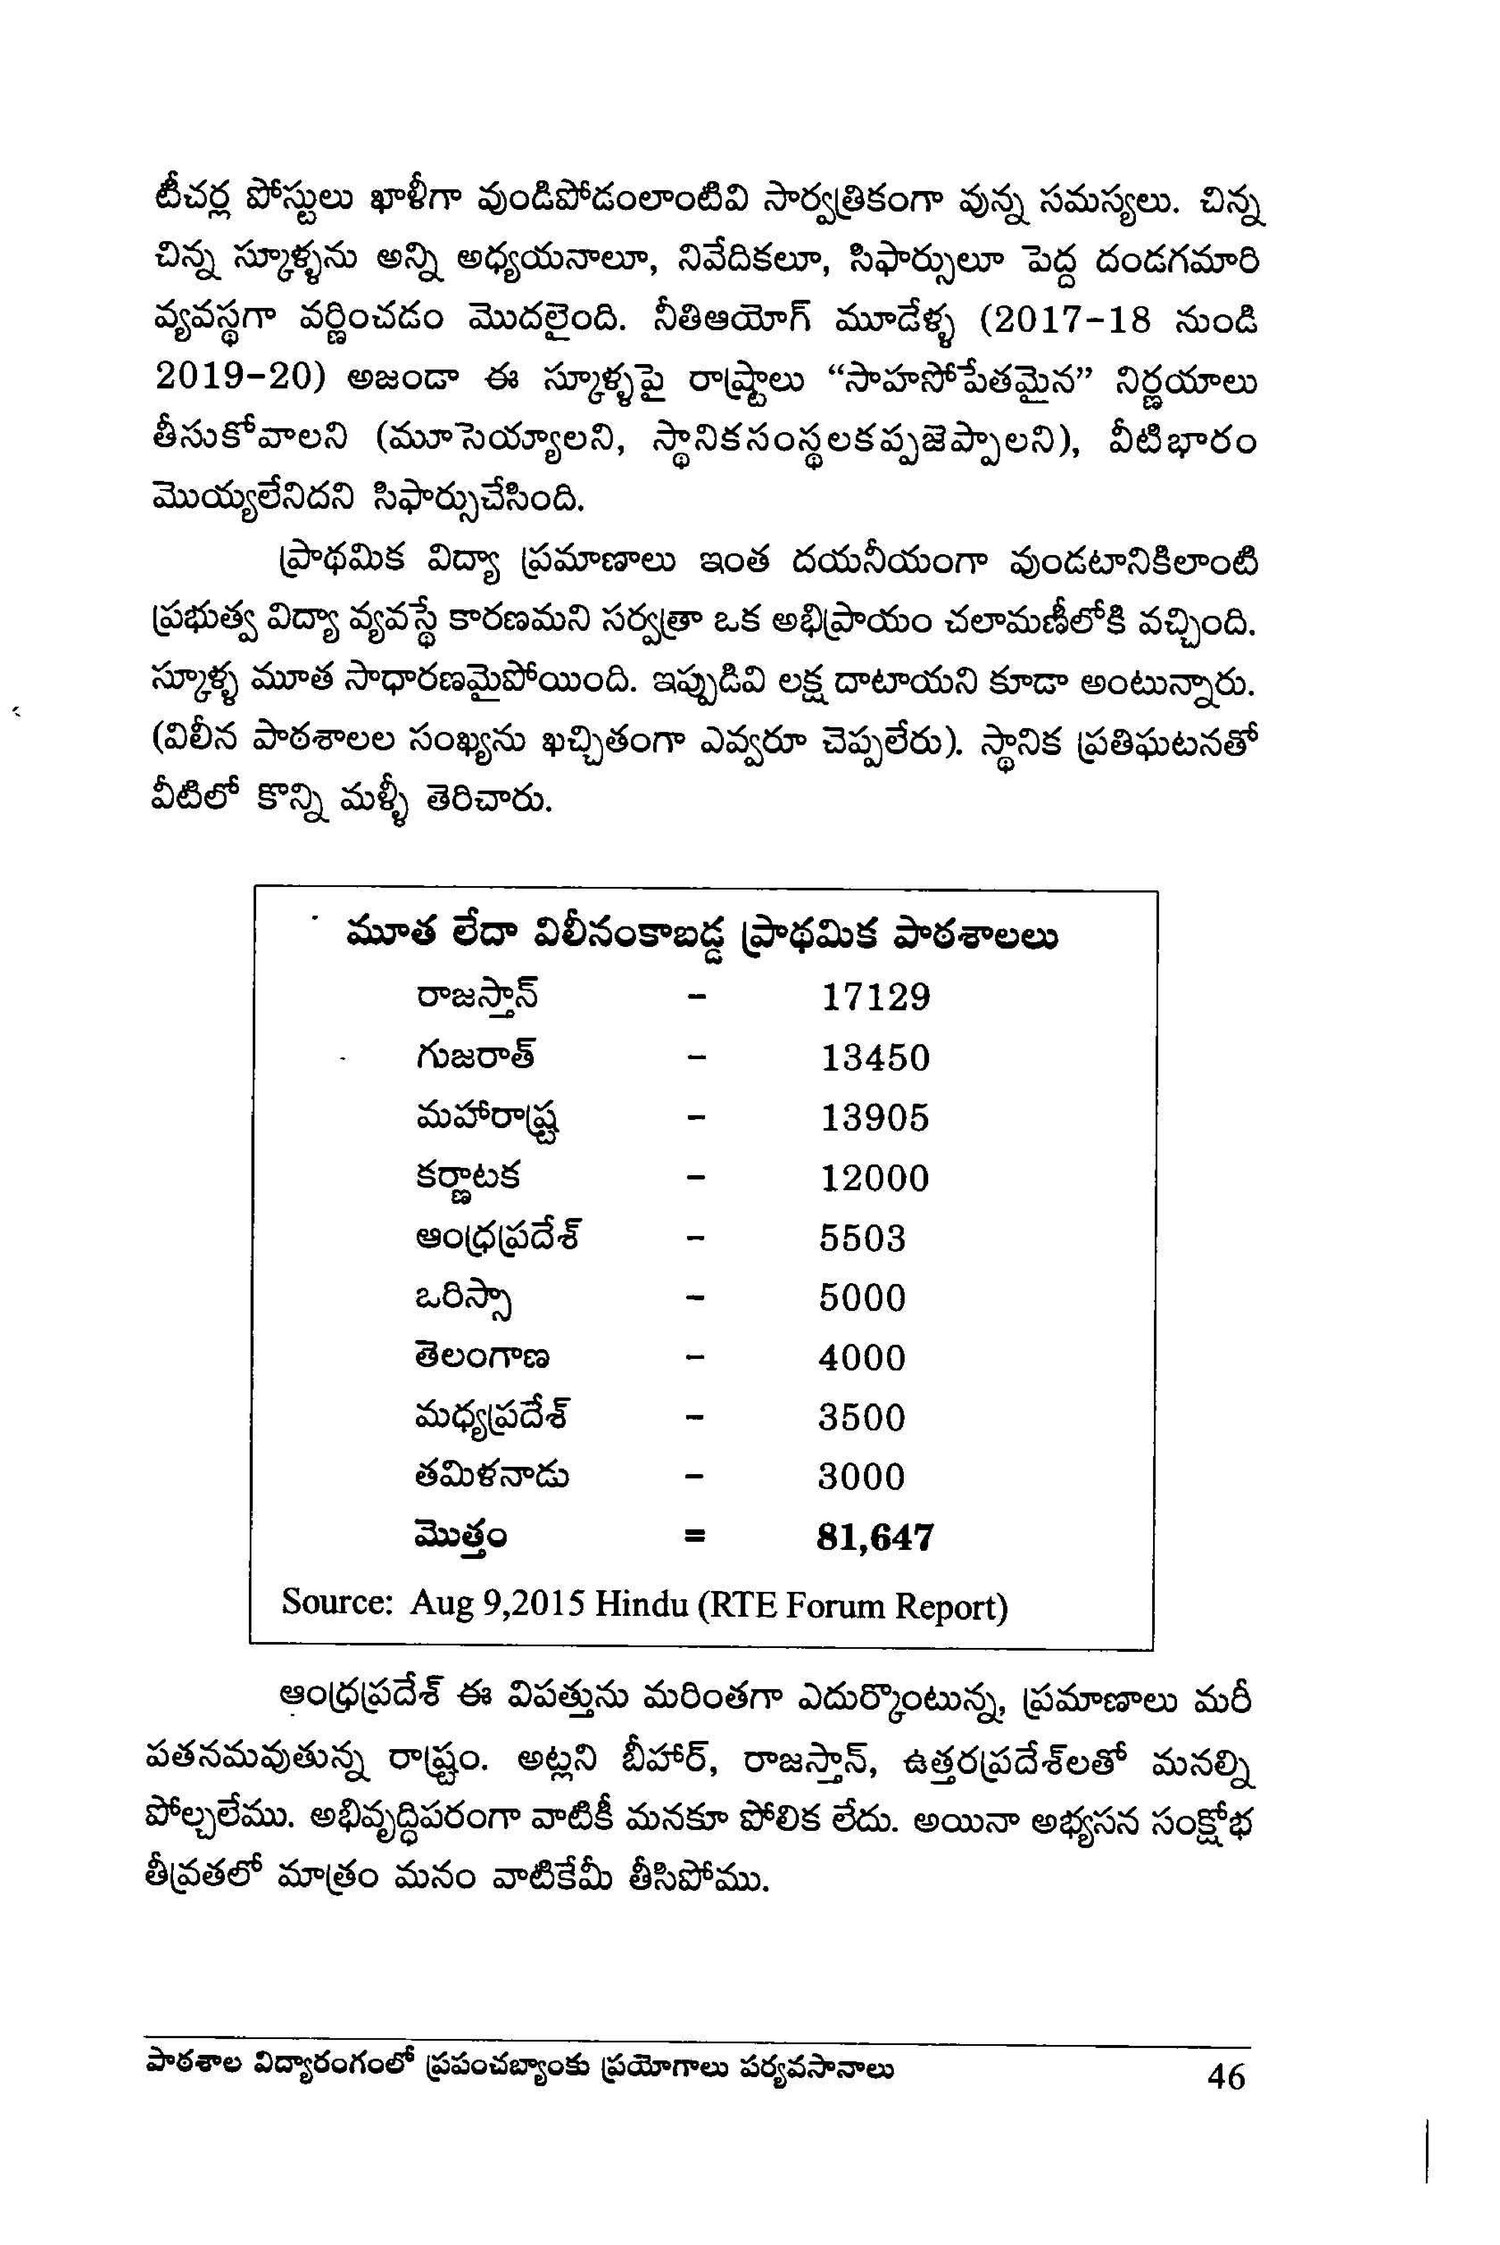టీచర్ల పోస్టులు ఖాళీగా ఉండటం మరియు ప్రాథమిక పాఠశాలల సమస్యలు
టీచర్ల పోస్టులు ఖాళీగా ఉండడం సార్వత్రిక సమస్యగా ఉన్నది. చిన్న చిన్న పాఠశాలలను అన్ని అధ్యయనాలు, నివేదికలు, సిఫార్సులు పెద్ద మొత్తంలో నష్టదాయక వ్యవస్థగా వర్ణించాయి. నీతి ఆయోగ్ మూడేళ్ల (2017-18 నుండి 2019-20) అజెండాలో ఈ పాఠశాలల విషయంలో రాష్ట్రాలు “సాహసోపేతమైన” నిర్ణయాలు తీసుకుని, కొన్ని పాఠశాలలను మూసేయాలని లేదా స్థానిక సంస్థల కప్పజెప్పాలని సూచించింది. వీటి భారాన్ని తట్టలేనని సిఫార్సు చేసింది.

ప్రాథమిక విద్యా ప్రమాణాలు ఇంత దయనీయంగా ఉండటానికి కారణం ప్రధానంగా ప్రభుత్వ విద్యా వ్యవస్థనే అని సర్వత్రా అభిప్రాయం చలామణిలోకి వచ్చింది. పాఠశాలలు మూసివేత సాధారణమైపోతున్నాయి. ఈ సంఖ్య లక్ష దాటినట్లు కూడా చెప్పుతున్నారు. (విలీనమైన పాఠశాలల ఖచ్చిత సంఖ్యను ఎవ్వరూ చెప్పలేరు). స్థానిక ప్రతిఘటన కారణంగా కొన్ని పాఠశాలలు మళ్లీ తెరుచుకున్నాయి.

మూత లేదా విలీన పాఠశాలల సంఖ్య (సుమారు)
రాష్ట్రం	మూత/విలీన పాఠశాలల సంఖ్య
రాజస్థాన్	1
గుజరాత్	1
మహారాష్ట్ర	17,129
కర్ణాటక	13,450
ఆంధ్రప్రదేశ్	13,905
ఒరిస్సా	12,000
తెలంగాణ	5,503
మధ్యప్రదేశ్	5,000
తమిళనాడు	4,000
మొత్తం	81,647

Source: Aug 9, 2015, The Hindu (RTE Forum Report)

ఆంధ్రప్రదేశ్ ఈ విపత్తును మరింతగా ఎదుర్కొంటున్న రాష్ట్రంగా కనిపిస్తుంది, ఇక్కడ విద్యా ప్రమాణాలు మరింత పతనానికి గురవుతున్నాయి. అయితే, బీహార్, రాజస్థాన్, ఉత్తరప్రదేశ్ వంటి రాష్ట్రాలతో మనలను పోల్చలేము. అభివృద్ధి పరంగా వాటికి మనకు పోలిక లేదని చెప్పాలి. అయినా అభ్యసన సంక్షోభం తీవ్రతలో మాత్రం మనం వాటిని పక్కన పెట్టలేము.

పాఠశాల విద్యారంగంలో ప్రపంచ బ్యాంకు ప్రయోగాలు - పర్యవసానాలు
46